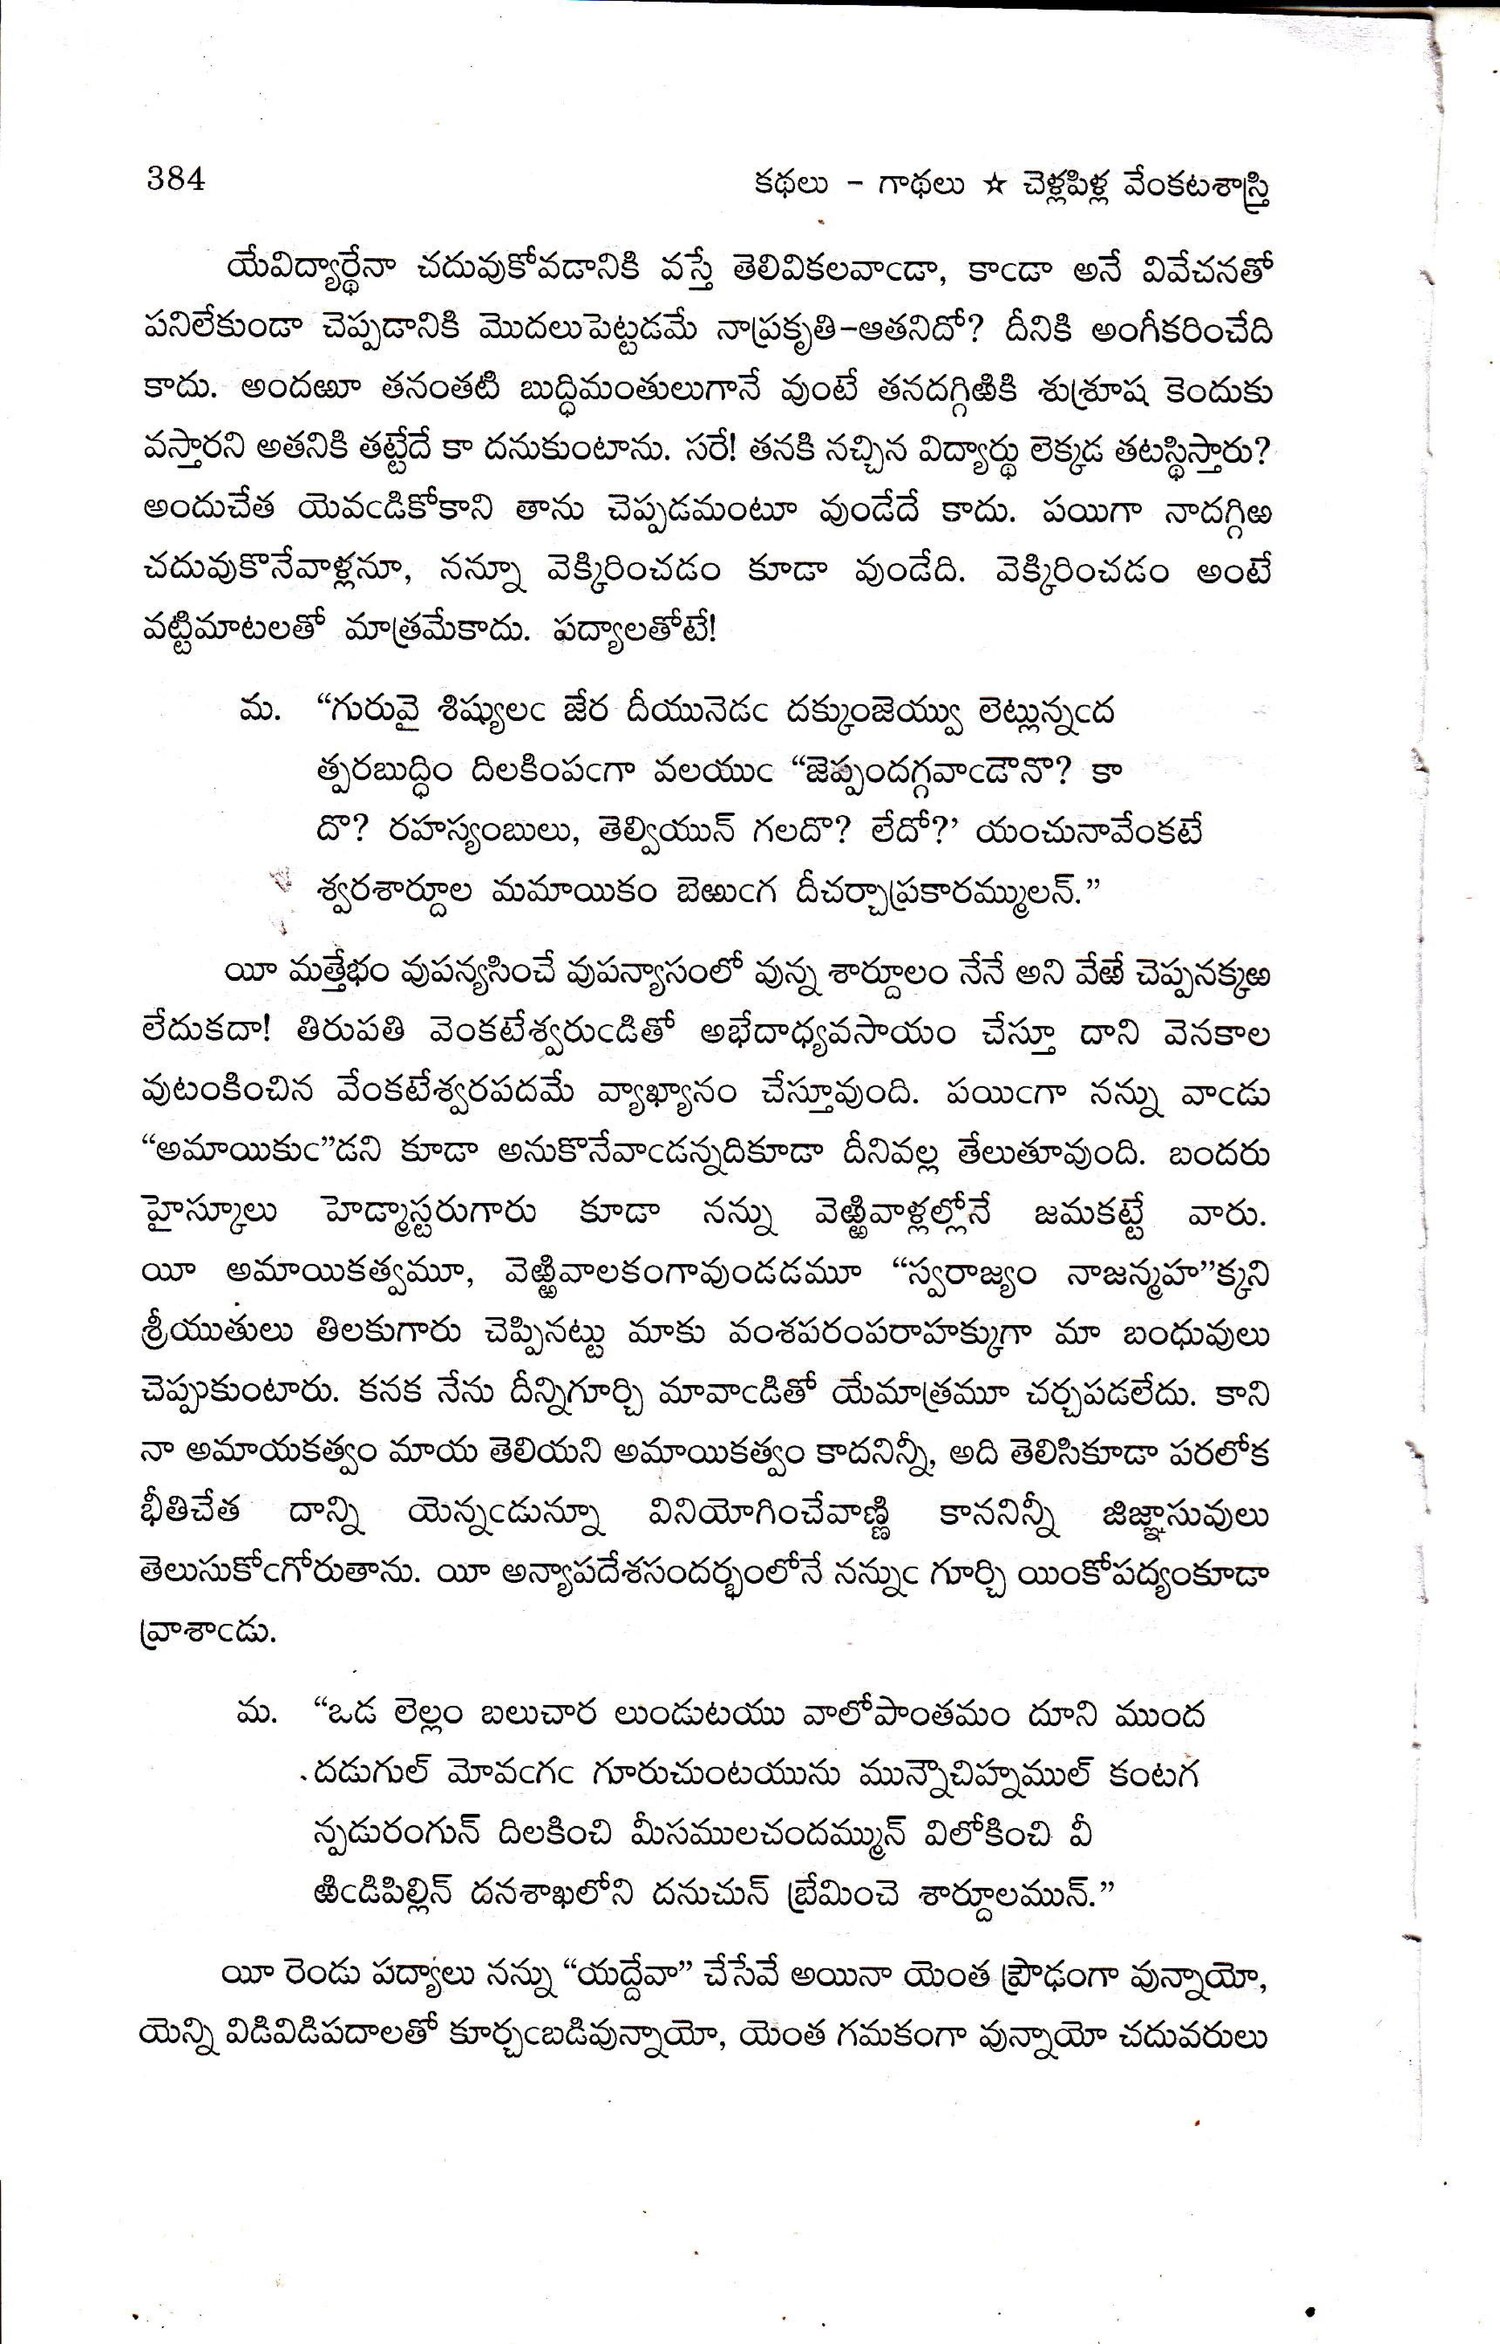యేవిద్యార్థేనా చదువుకోవడానికి వస్తే తెలివికలవాఁడా, కాఁడా అనే వివేచనతో పనిలేకుండా చెప్పడానికి మొదలుపెట్టడమే నాప్రకృతి-ఆతనిదో? దీనికి అంగీకరించేది కాదు. అందఱూ తనంతటి బుద్ధిమంతులుగానే వుంటే తనదగ్గిఱికి శుశ్రూష కెందుకు వస్తారని అతనికి తట్టేదే కాదనుకుంటాను. సరే! తనకి నచ్చిన విద్యార్డు లెక్కడ తటస్థిస్తారు? అందుచేత యెవఁడికోకాని తాను చెప్పడమంటూ వుండేదే కాదు. పయిగా నాదగ్గిఱ చదువుకొనేవాళ్లనూ, నన్నూ వెక్కిరించడం కూడా వుండేది. వెక్కిరించడం అంటే వట్టిమాటలతో మాత్రమేకాదు. పద్యాలతోటే!

మ. “గురువై శిష్యులఁ జేర దీయునెడఁ దక్కుంజెయ్వు లెట్లున్నఁద 
 త్పరబుద్ధిం దిలకింపఁగా వలయుఁ "జెప్పందగ్గవాఁడౌనొ? కా 
 దొ? రహస్యంబులు, తెల్వియున్ గలదొ? లేదో?" యంచునావేంకటే 
 శ్వరశార్దూల మమాయికం బెఱుఁగ దీచర్చాప్రకారమ్ములన్."
యీ మత్తేభం వుపన్యసించే వుపన్యాసంలో వున్న శార్దూలం నేనే అని వేఱే చెప్పనక్కఱలేదుకదా! తిరుపతి వెంకటేశ్వరుఁడితో అభేదాధ్యవసాయం చేస్తూ దాని వెనకాల వుటంకించిన వేంకటేశ్వరపదమే వ్యాఖ్యానం చేస్తూవుంది. పయిఁగా నన్ను వాఁడు “అమాయికుఁ"డని కూడా అనుకొనేవాఁడన్నదికూడా దీనివల్ల తేలుతూవుంది. బందరు హైస్కూలు హెడ్మాస్టరుగారు కూడా నన్ను వెఱ్ఱివాళ్లల్లోనే జమకట్టే వారు. యీ అమాయికత్వమూ, వెఱ్ఱివాలకంగావుండడమూ “స్వరాజ్యం నాజన్మహ"క్కని శ్రీయుతులు తిలకుగారు చెప్పినట్టు మాకు వంశపరంపరాహక్కుగా మా బంధువులు చెప్పుకుంటారు. కనక నేను దీన్నిగూర్చి మావాఁడితో యేమాత్రమూ చర్చపడలేదు. కాని నా అమాయకత్వం మాయ తెలియని అమాయికత్వం కాదనిన్నీ అది తెలిసికూడా పరలోక భీతిచేత దాన్ని యెన్నఁడున్నూ వినియోగించేవాణ్ణి కాననిన్నీ జిజ్ఞాసువులు తెలుసుకోఁగోరుతాను. యీ అన్యాపదేశసందర్భంలోనే నన్నుఁ గూర్చి యింకోపద్యంకూడా వ్రాశాఁడు.

మ. "ఒడ లెల్లం బలుచార లుండుటయు వాలోపాంతమం దూని ముంద 
 దడుగుల్ మోవఁగఁ గూరుచుంటయును మున్నౌచిహ్నముల్ కంటగ 
 న్పడురంగున్ దిలకించి మీసములచందమ్మున్ విలోకించి వీ 
 ఱిఁడిపిల్లిన్ దనశాఖలోని దనుచున్ బ్రేమించె శార్దూలమున్."
యీ రెండు పద్యాలు నన్ను "యద్దేవా" చేసేవే అయినా యెంత ప్రౌఢంగా వున్నాయో, యెన్ని విడివిడిపదాలతో కూర్చఁబడివున్నాయో, యెంత గమకంగా వున్నాయో చదువరులు